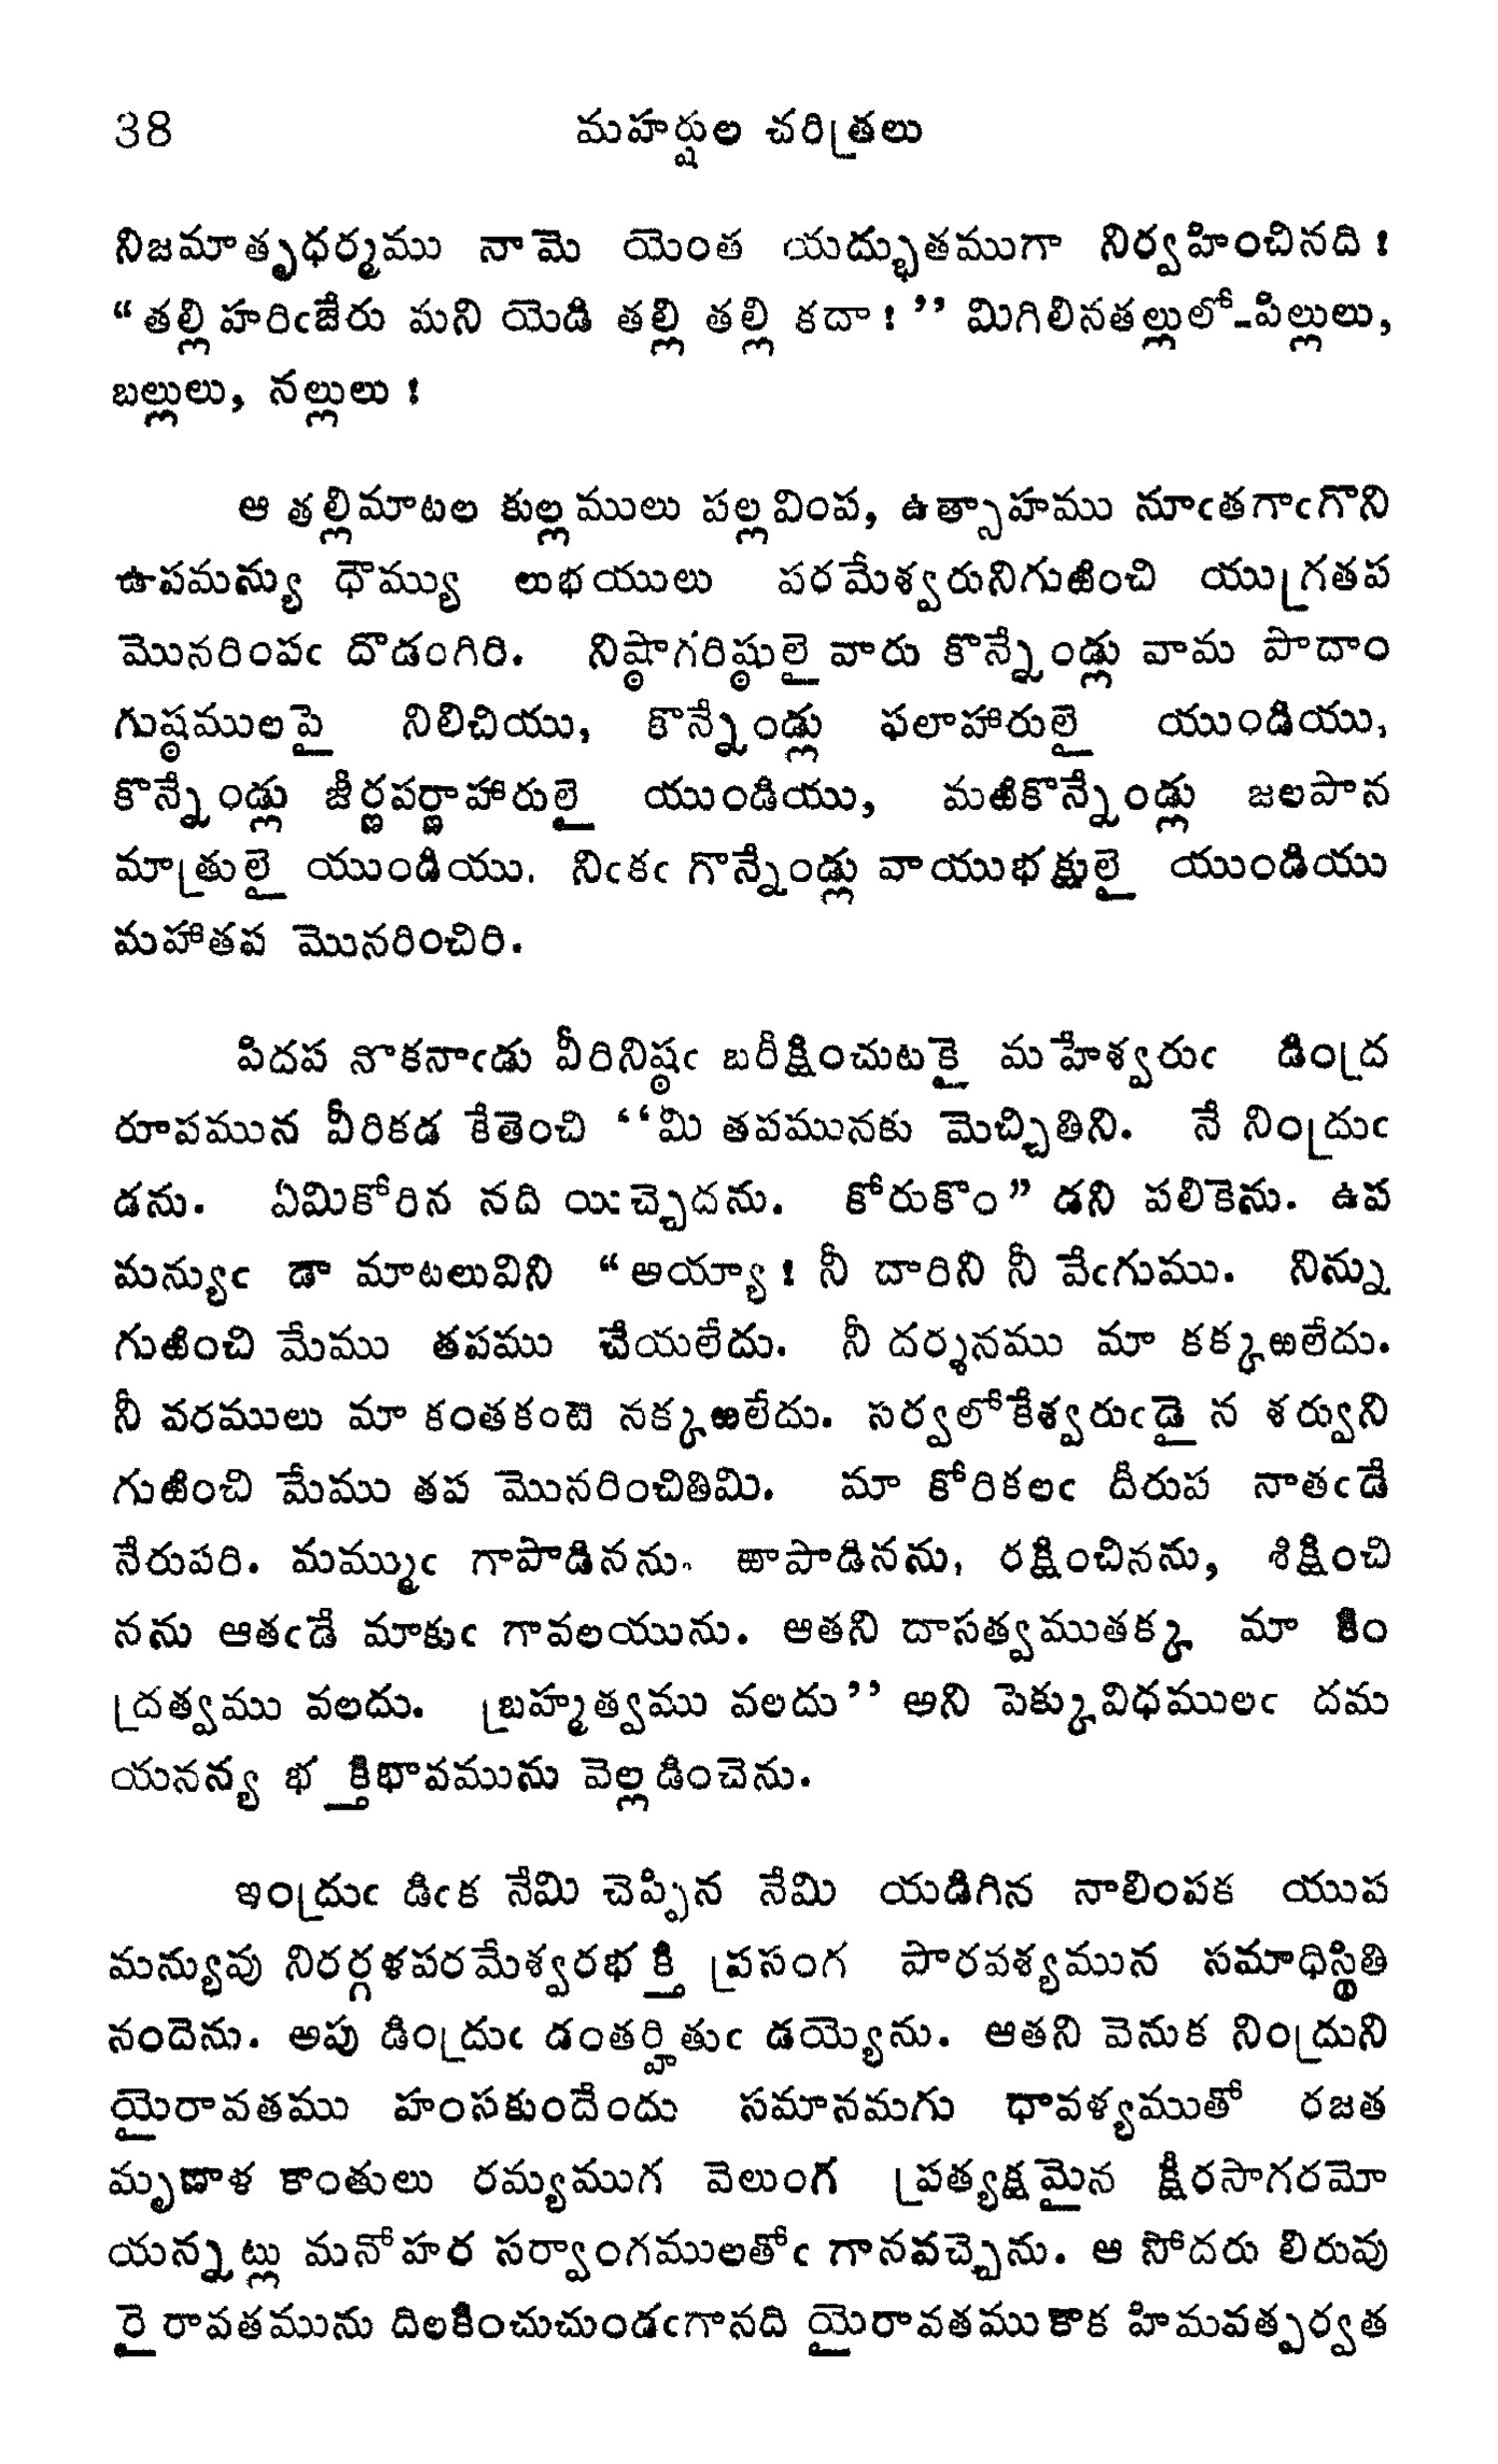నిజమాతృధర్మము నామె యెంత యద్భుతముగా నిర్వహించినది! “తల్లి హరిఁజేరు మని యెడి తల్లి తల్లి కదా ! " మిగిలినతల్లులో. పిల్లులు, బల్లులు, నల్లులు !

ఆ తల్లిమాటల కుల్లములు పల్లవింప, ఉత్సాహము నూఁతగాఁగొని ఉపమన్యు ధౌమ్యు లుభయులు పరమేశ్వరునిగుఱించి యుగ్రతప మొనరింపఁ దొడంగిరి. నిష్టాగరిష్ఠులై వారు కొన్నేండ్లు వామ పాదాం గుష్ఠములపై నిలిచియు, కొన్నేండ్లు ఫలాహారులై యుండియు, కొన్నేండ్లు జీర్ణపర్ణాహారులై యుండియు, మఱికొన్నేండ్లు జలపాన మాత్రులై యుండియు. నిఁకఁ గొన్నేండ్లు వాయుభక్షులై యుండియు మహాతప మొనరించిరి.

పిదప నొకనాఁడు వీరినిష్ఠఁ బరీక్షించుటకై మహేశ్వరుఁ డింద్ర రూపమున వీరికడ కేతెంచి ‘‘మీ తపమునకు మెచ్చితిని. నే నింద్రుఁడను. ఏమికోరిన నది యిచ్చెదను. కోరుకొం” డని పలికెను. ఉప మన్యుఁ డా మాటలువిని “అయ్యా! నీ దారిని నీ వేఁగుము. నిన్ను గుఱించి మేము తపము చేయలేదు. నీ దర్శనము మా కక్కఱలేదు. నీ వరములు మా కంతకంటె నక్కఱలేదు. సర్వలోకేశ్వరుఁడై న శర్వుని గుఱించి మేము తప మొనరించితిమి. మా కోరికలఁ దీరుప నాతఁడే నేరుపరి. మమ్ముఁ గాపాడినను. ఱాపాడినను, రక్షించినను, శిక్షించినను ఆతఁడే మాకుఁ గావలయును. ఆతని దాసత్వముతక్క మా కింద్రత్వము వలదు. బ్రహ్మత్వము వలదు” అని పెక్కువిధములఁ దమ యనన్య భక్తిభావమును వెల్లడించెను.

ఇంద్రుఁ డిఁక నేమి చెప్పిన నేమి యడిగిన నాలింపక యుప మన్యువు నిరర్గళపరమేశ్వరభక్తి ప్రసంగ పారవశ్యమున సమాధిస్థితి నందెను. అపు డింద్రుఁ డంతర్హితుఁ డయ్యెను. ఆతని వెనుక నింద్రుని యైరావతము హంసకుందేందు సమానమగు ధావళ్యముతో రజత మృణాళ కాంతులు రమ్యముగ వెలుంగ ప్రత్యక్షమైన క్షీరసాగరమో యన్నట్లు మనోహర సర్వాంగములతోఁ గానవచ్చెను. ఆ సోదరు లిరువు రై రావతమును దిలకించుచుండఁగానది యైరావతము కాక హిమవత్పర్వత